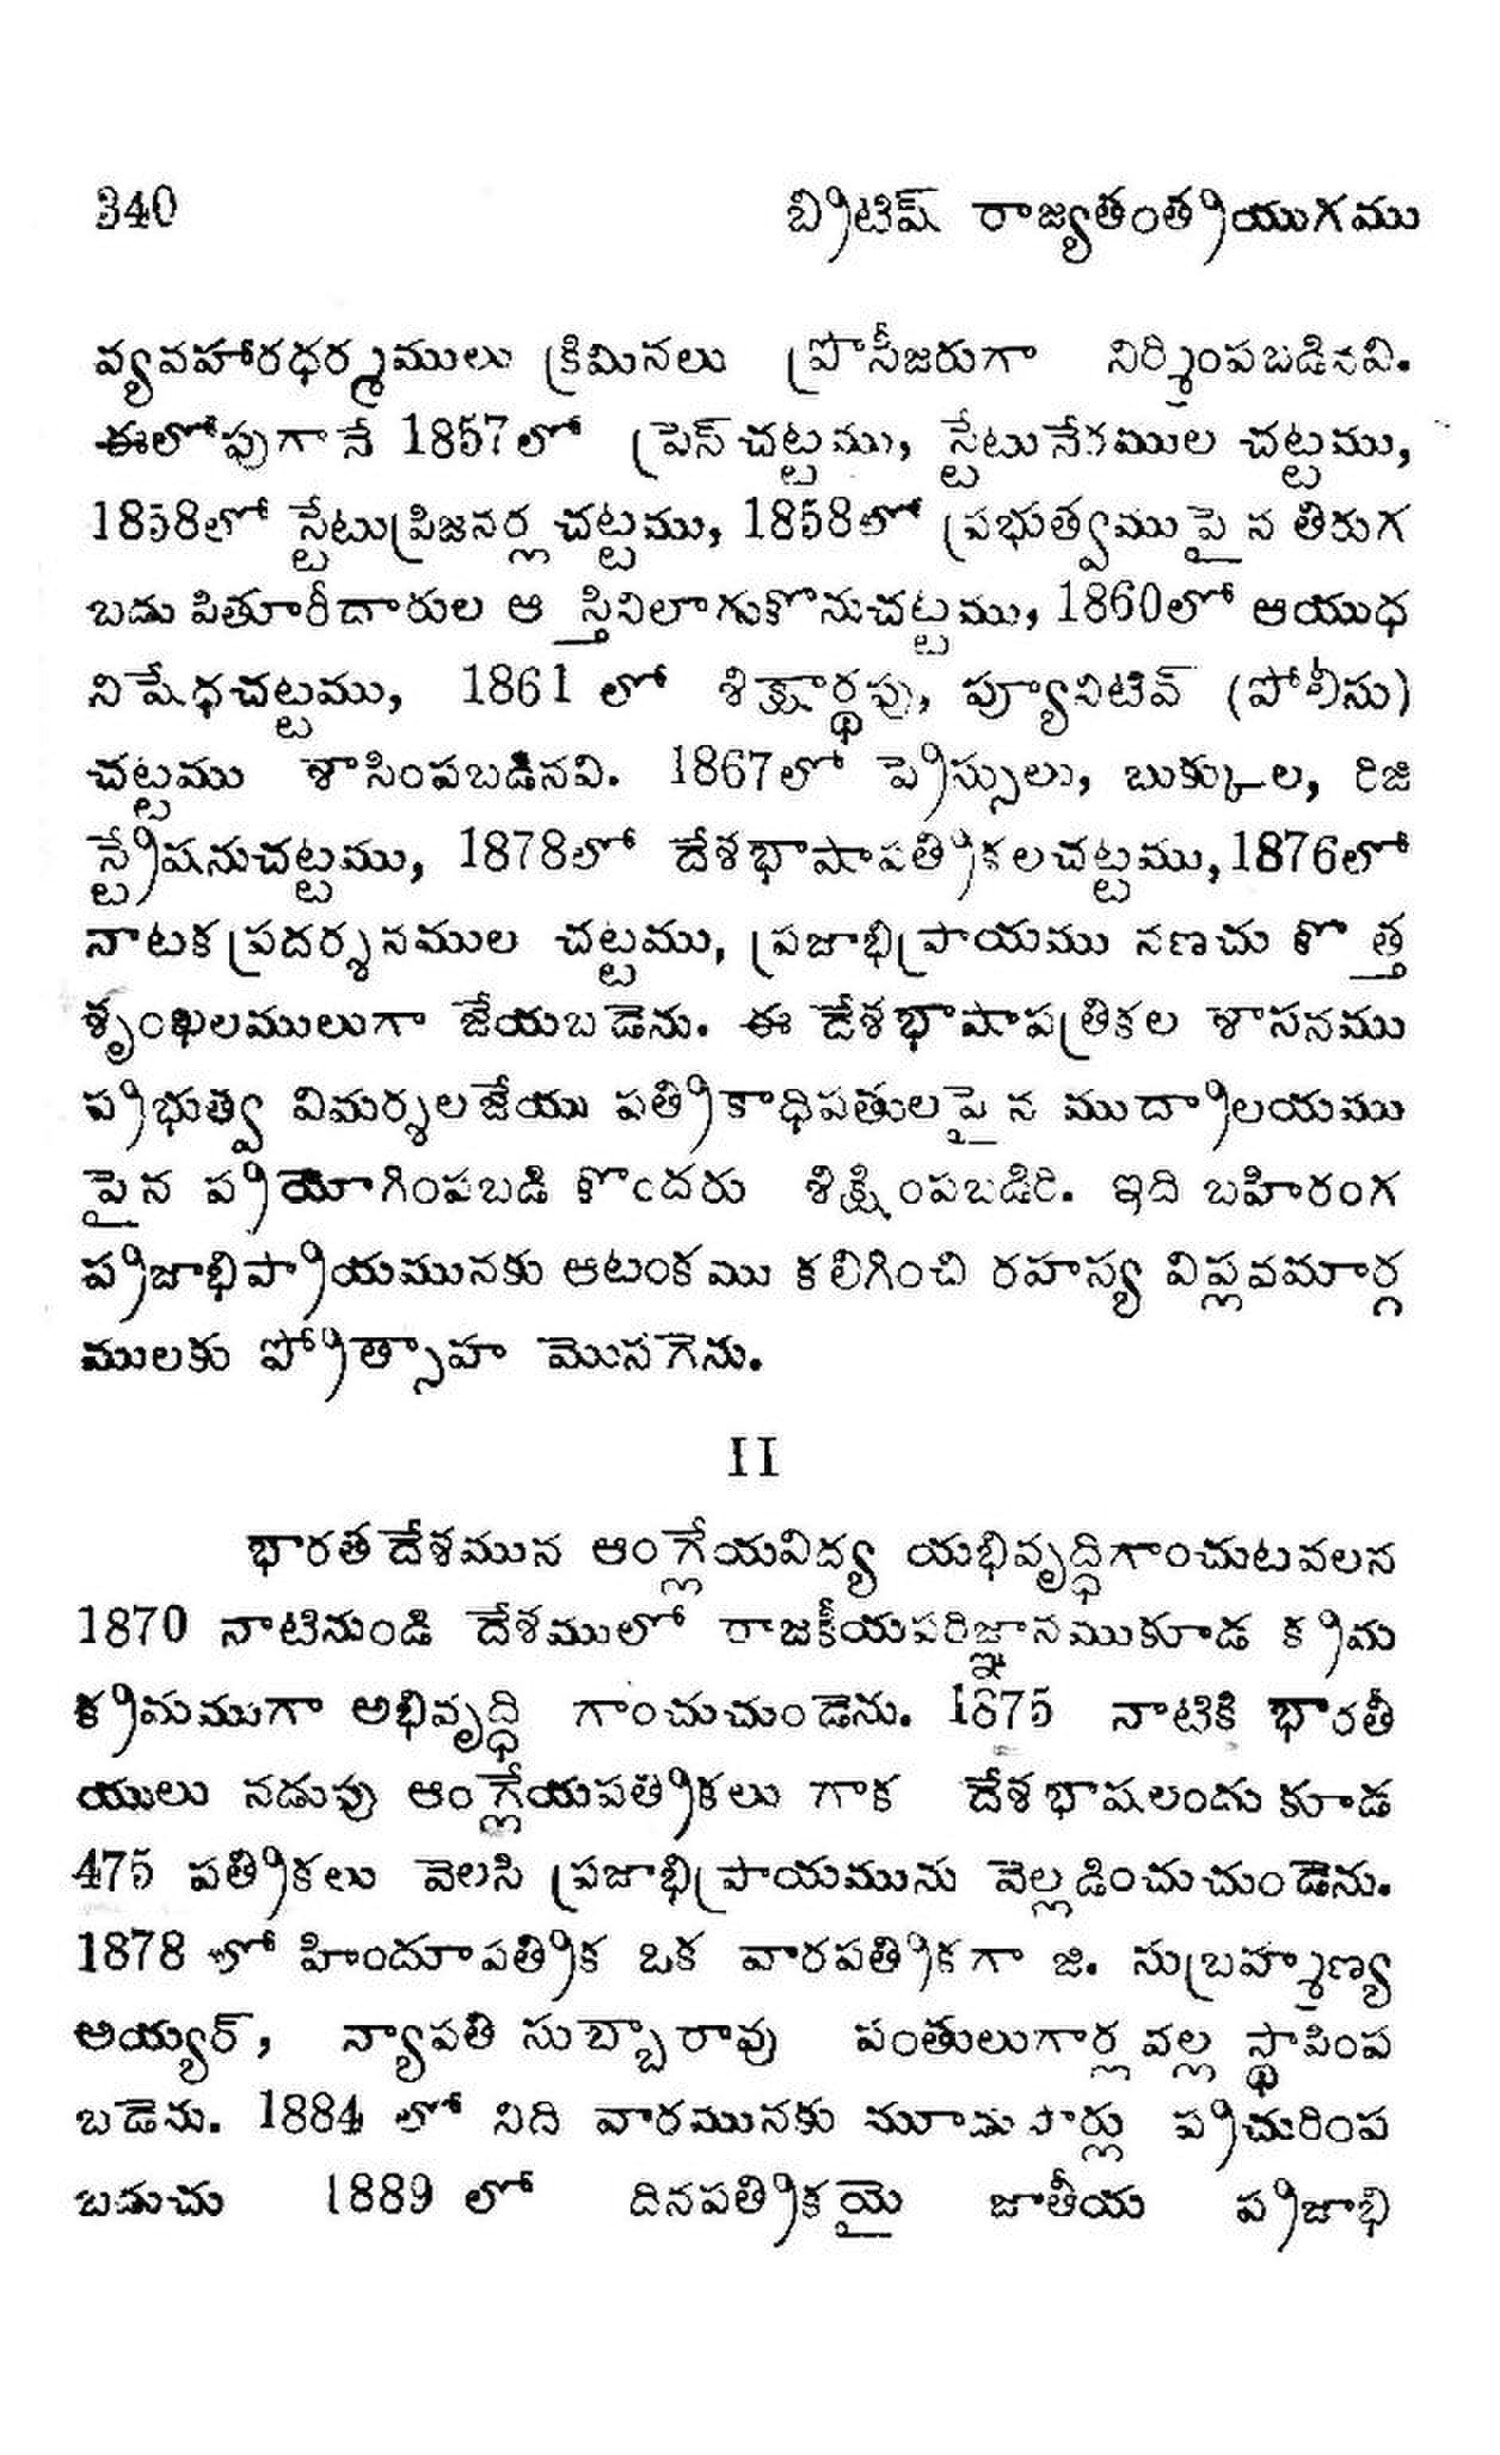వ్యవహారధర్మములు క్రిమినలు ప్రొసీజరుగా నిర్మింపబడినవి. ఈలోపుగానే 1857 లో ప్రెస్‌చట్టము, స్టేటునేరముల చట్టము, 1858లో స్టేటుప్రిజనర్ల చట్టము, 1858లో ప్రభుత్వముపైన తిరుగబడు పితూరీదారుల ఆస్తినిలాగుకొనుచట్టము, 1860లో ఆయుధ నిషేధచట్టము, 1861 లో శిక్షార్థపు, ప్యూనిటివ్ (పోలీసు) చట్టము శాసింపబడినవి. 1867లో ప్రెస్సులు, బుక్కుల, రిజిస్ట్రేషనుచట్టము, 1878లో దేశభాషాపత్రికలచట్టము, 1876లో నాటక ప్రదర్శనముల చట్టము, ప్రజాభిప్రాయము నణచు కొత్త శృంఖలములుగా జేయబడెను. ఈ దేశభాషాపత్రికల శాసనము ప్రభుత్వ విమర్శలజేయు ప్రతికాధిపతులపైన ముద్రాలయముపైన ప్రయోగింపబడి కొందరు శిక్షింపబడిరి. ఇది బహిరంగ ప్రజాభిప్రాయమునకు ఆటంకము కలిగించి రహస్య విప్లవమార్గములకు ప్రోత్సాహ మొసగెను.

II

భారతదేశమున ఆంగ్లేయవిద్య యభివృద్ధిగాంచుటవలన 1870 నాటినుండి దేశములో రాజకీయపరిజ్ఞానముకూడ క్రమక్రమముగా అభివృద్ధి గాంచుచుండెను. 1875 నాటికి భారతీయులు నడుపు ఆంగ్లేయపత్రికలు గాక దేశభాషలందు కూడ 475 పత్రికలు వెలసి ప్రజాభిప్రాయమును వెల్లడించుచుండెను. 1878 లో హిందూ పత్రిక ఒక వారపత్రికగా జి. సుబ్రహ్మణ్య అయ్యర్ , న్యాపతి సుబ్బారావు పంతులుగార్ల వల్ల స్థాపింపబడెను. 1884 లో నిది వారమునకు మూడుసార్లు ప్రచురింప బడుచు 1889 లో దినపత్రికయై జాతీయ ప్రజాభి